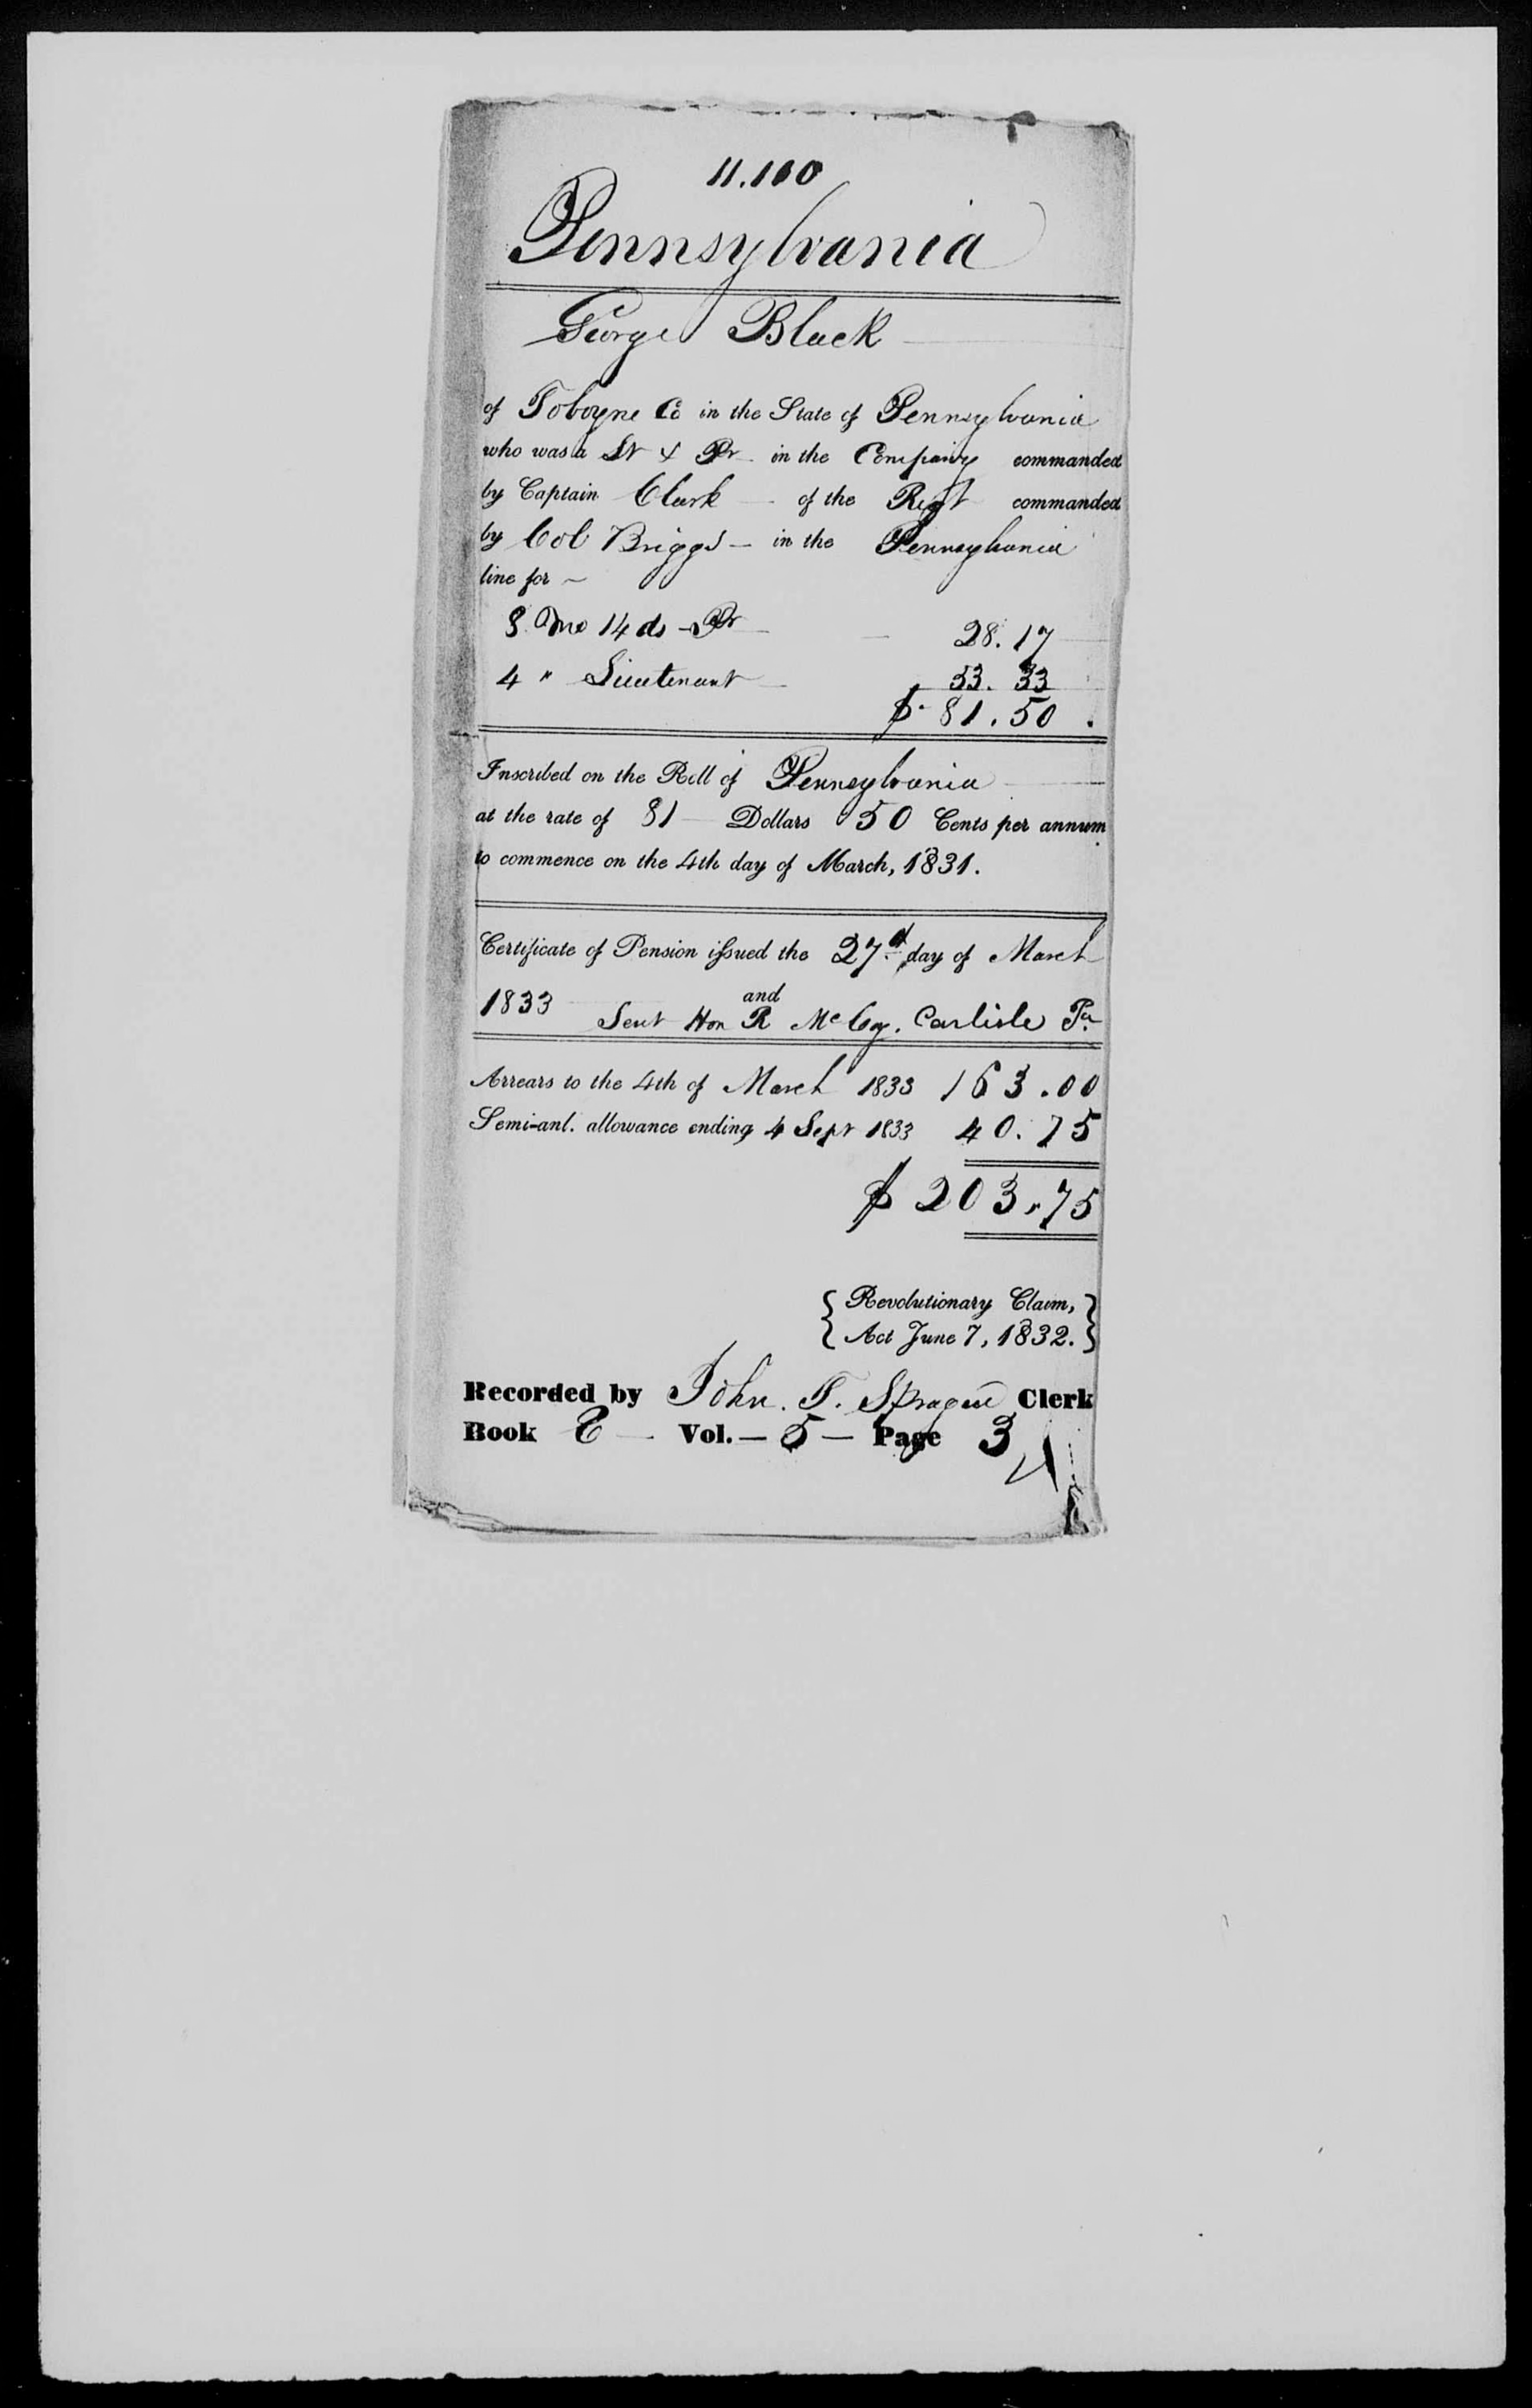11.110
Pennsylvania
George Black
of Toboyne Co. in the State of Pennsylvania who was a Lt & Pr in the Company commanded by Captain Clark of the Regt commanded by Col Briggs in the Pennsylvania line for
8 mo 14 da - Pr 28.17
4 " Lieutenant 53.33
$ 81.50.
Inscribed on the Roll of Pennsylvania
at the rate of 81 Dollars 50 Cents per annum to commence on the 4th day of March, 1831.
Certificate of Pension issued the 27th day of March 1833 and Sent Hon R McCoy. Carlisle Pa
Arrears to the 4th of March 1833 163.00
Semi-anl. allowance ending 4 Sept 1833 40.75
$203.75
Revolutionary Claim, Act June 7, 1832.
Recorded by John T. Sprague Clerk
Book E - Vol. - 5 - Page 3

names: Briggs, R Mc Coy, John T Sprague, George Black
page: 2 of 30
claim: widow's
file: W. 3211, George Black, Penn.